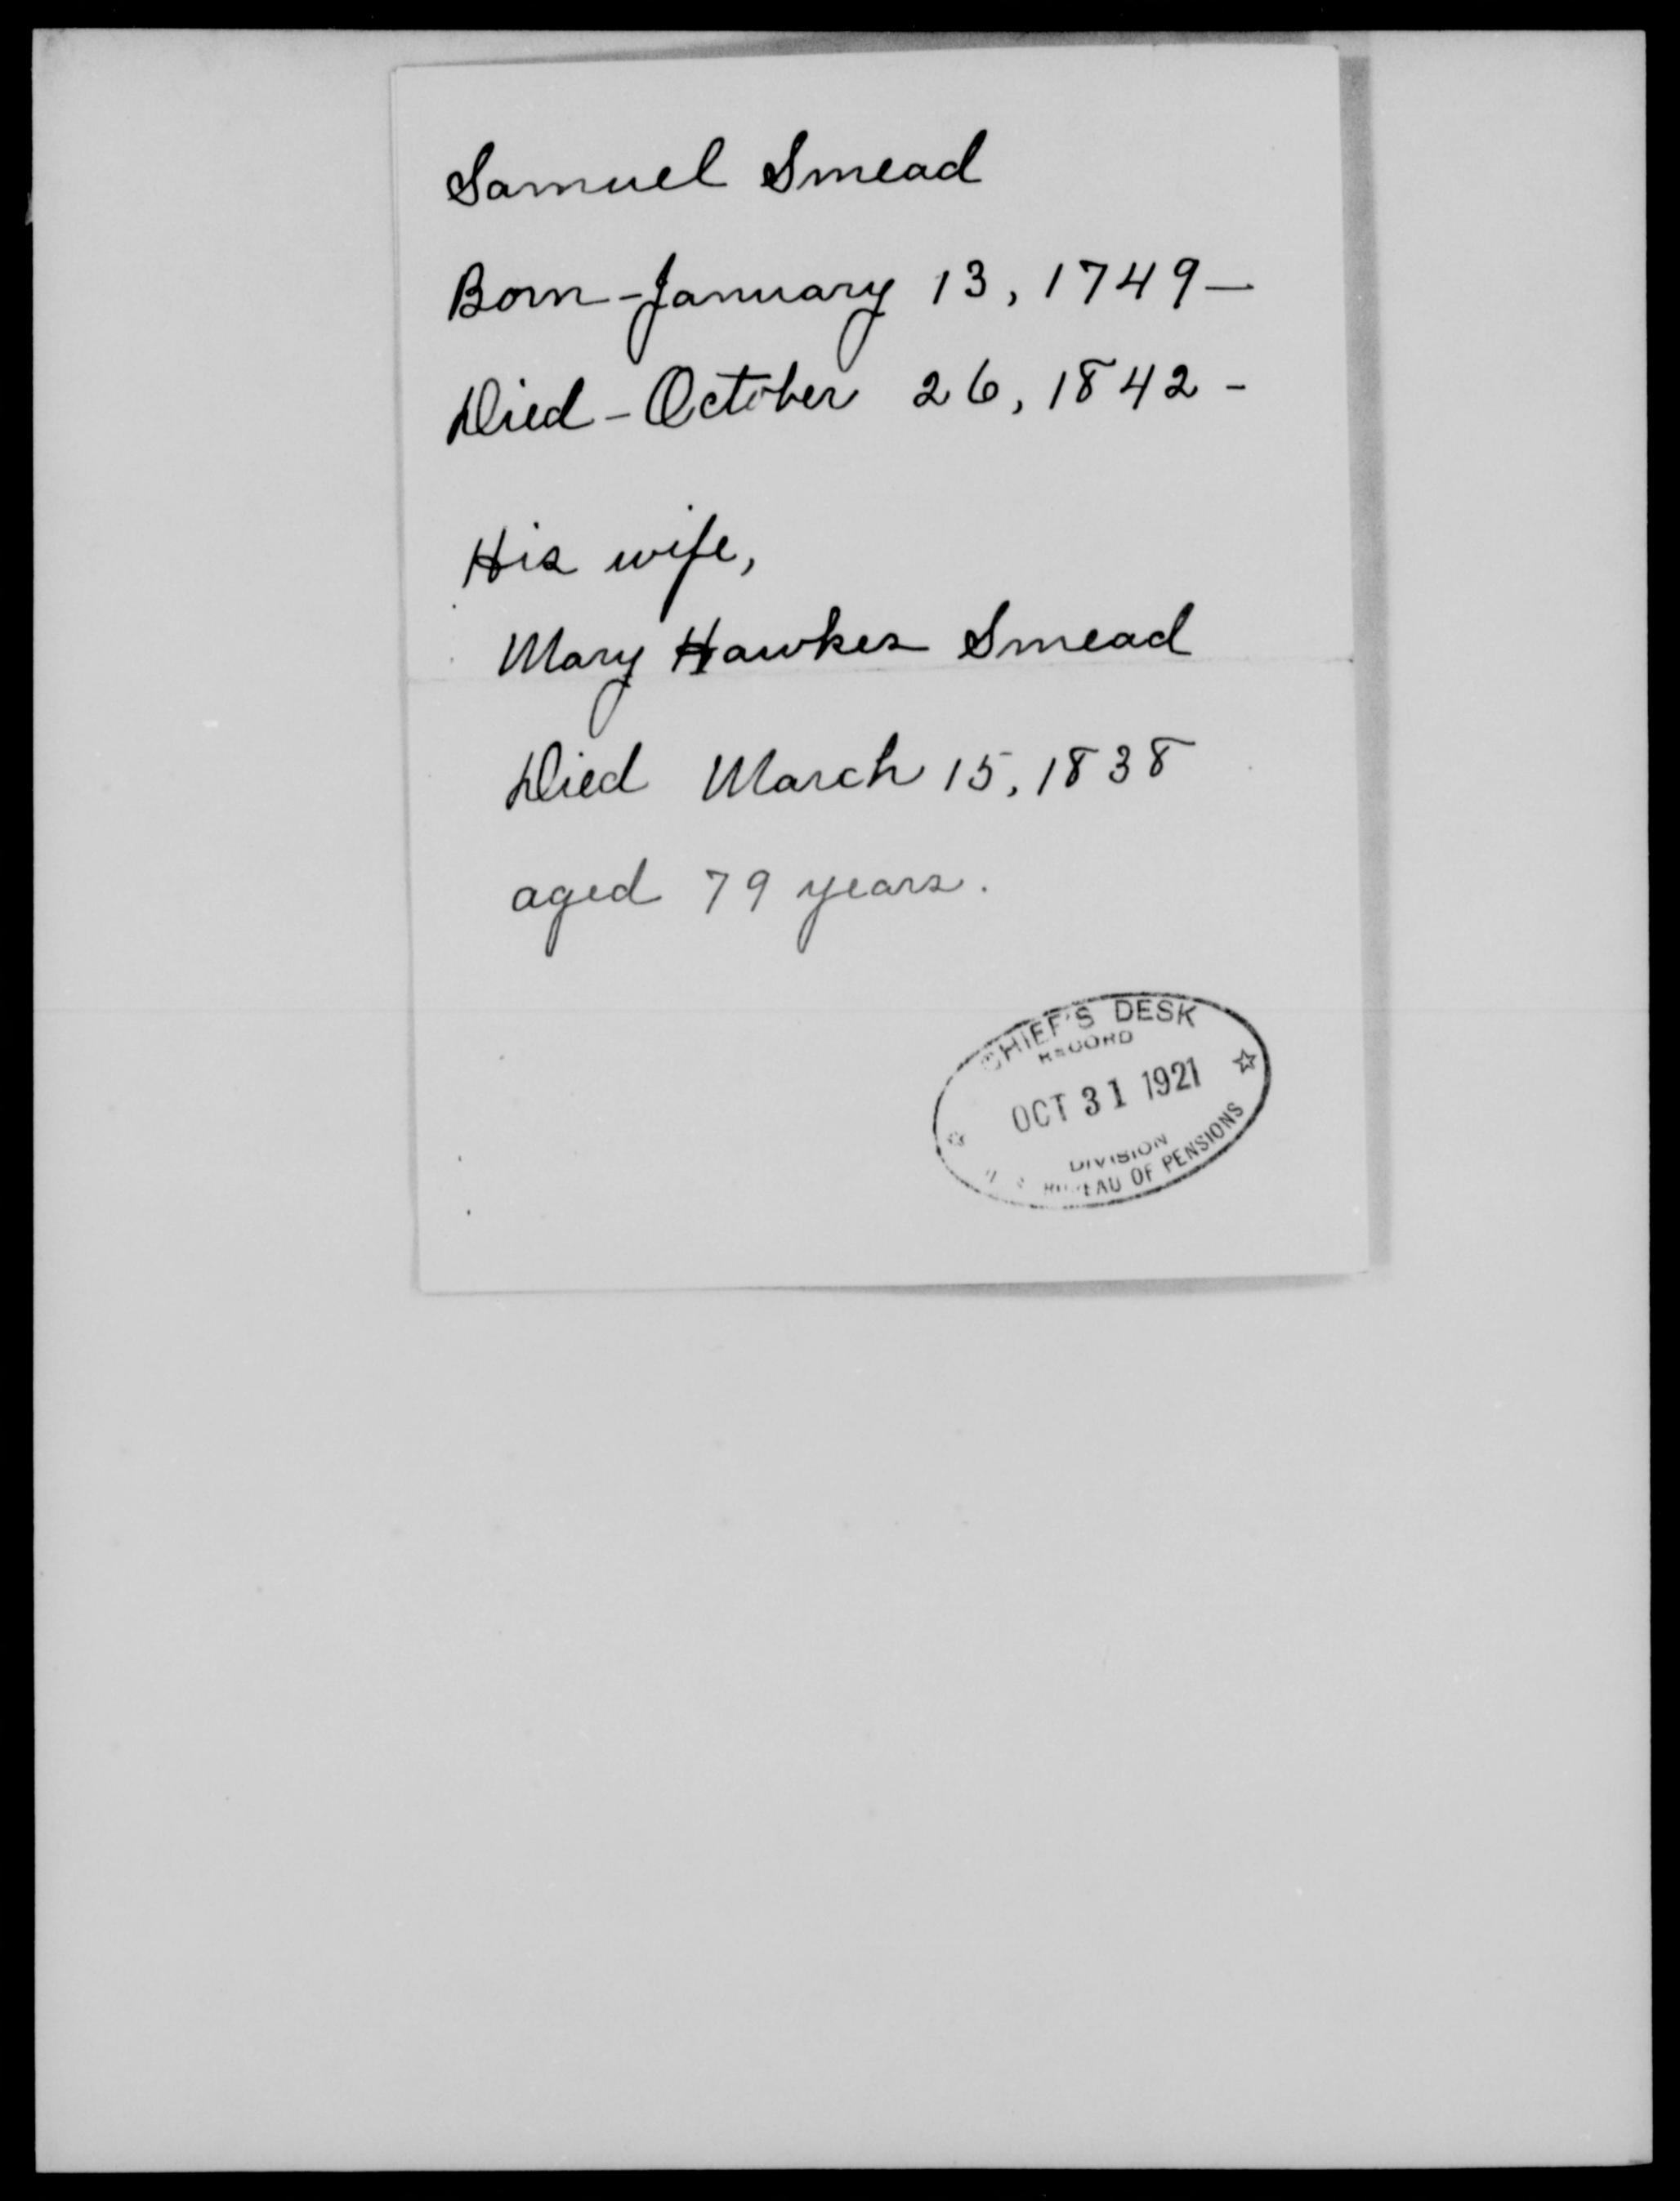Samuel Smead
Born - January 13, 1749
Died - October 26, 1842

His wife,
Mary Hawkes Smead
Died March 15, 1838
aged 79 years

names: Samuel Smead; Mary Hawkes Smead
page: 13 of 18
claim: survivor's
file: S. 18,605, for Samuel Smead, Massachusetts